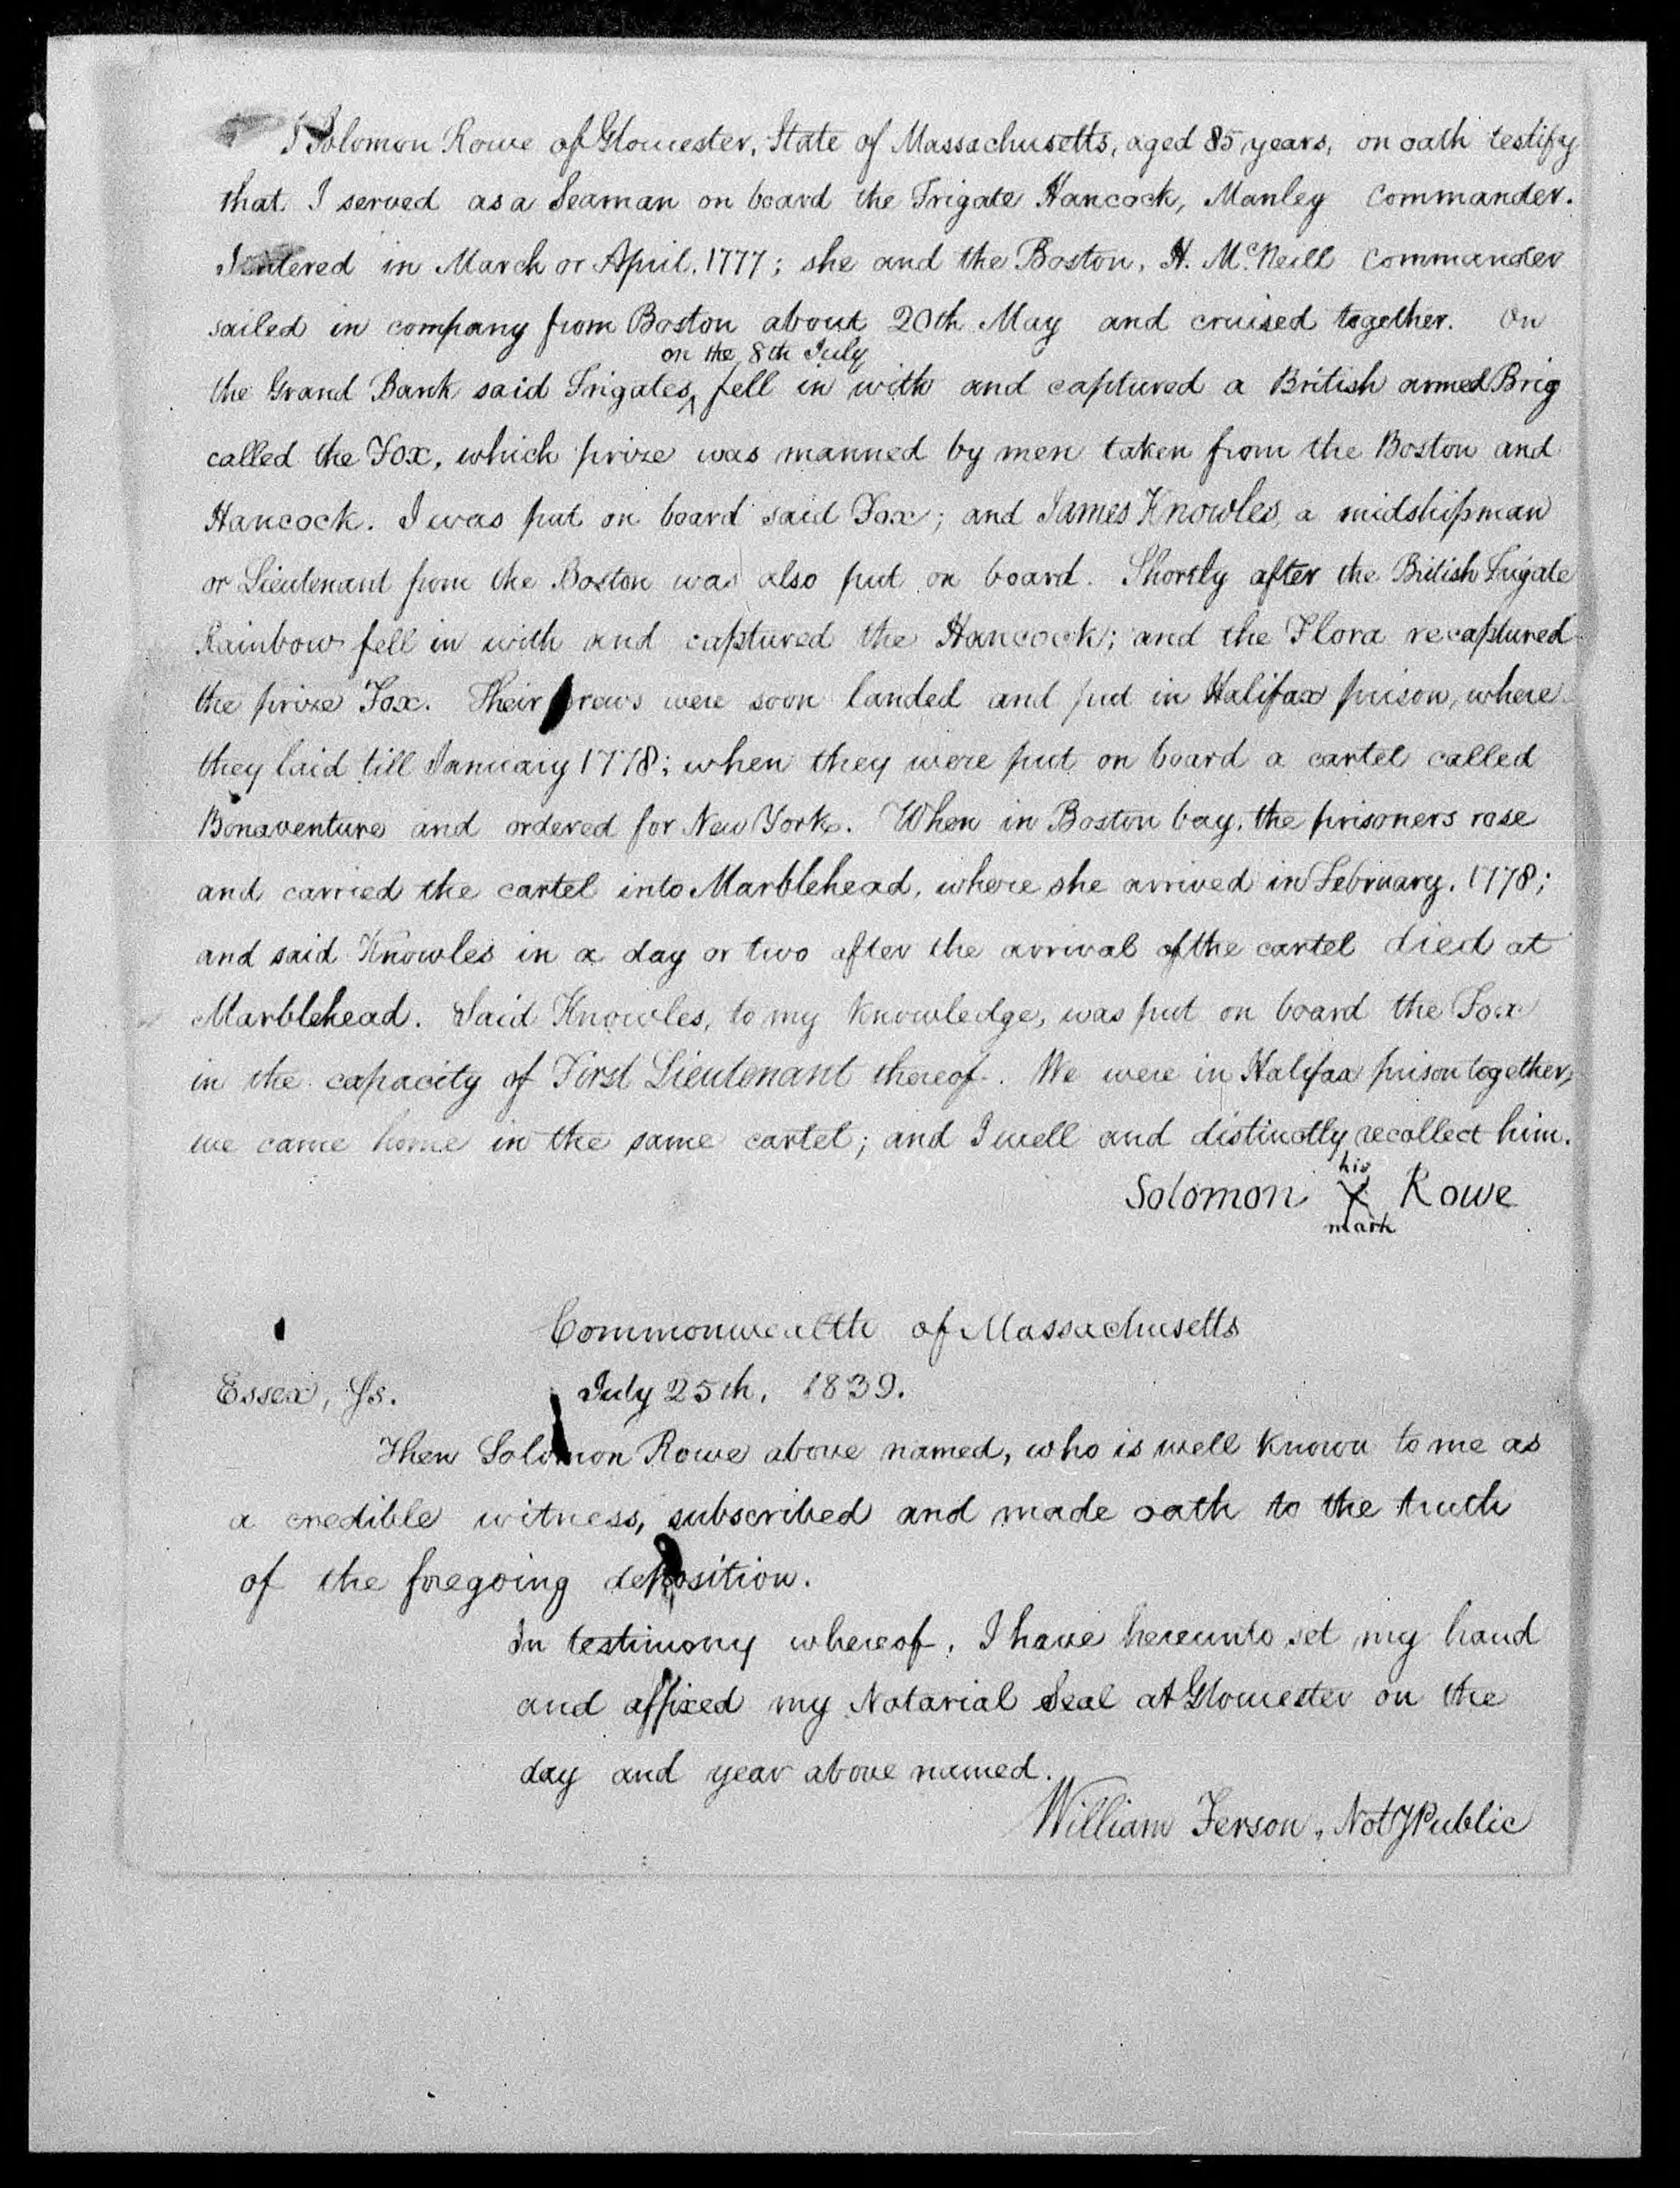I Solomon Rowe of Gloucester, State of Massachusetts, aged 85 years, on oath testify that I served as a Seaman on board the Frigate Hancock, Manley Commander. I entered in March or April, 1777; she and the Boston, Lt. McNeill Commander sailed in company from Boston about 20th  May and cruised together. On the Grand Bank said Frigate on the 8th July fell in with and captured a British armed Brig called the Fox, which prize was manned by men taken from the Boston and Hancock. I was put on board said Fox; and James Knowles, a midshipman or Lieutenant from the Boston was also put on board. Shortly after the British Frigate Rainbow fell in with and captured the Hancock; and the Flora recaptured the prize Fox. Their crews were soon landed and put in Halifax prison, where they laid till January 1778; when they were first on board a cartel called Bonadventure and ordered for New York. When in Boston bay, the prisoners rose and carried the cartel into Marblehead, where she arrived in February, 1778; and said Knowles in a day or two after the arrival of the cartel died at Marblehead. Said Knowles, to my Knowledge, was put on board the Fox in the capacity of First Lieutenant thereof. We were in Halifax prison together, we came home in the same cartel; and I well and distinctly recollect him.  Solomon Rowe  X his mark

Commonwealth of Massachusetts Essex,   Ss.  July 25th, 1839.

Then Solomon Rowe above named, who is well known to me as a credible witness, subscribed and made oath to the truth of the foregoing deposition.

In testimony whereof, I have hereunto set my hand and affixed my Notarial Seal at Gloucester on the day and year above named.  William Ferson, Noty Public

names: James Knowles; Solomon Rowe; William Ferson; H Mc Neill; [BLANK] Manley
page: 14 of 60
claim: widow's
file: W. 14,036, for James Knowles, Connecticut